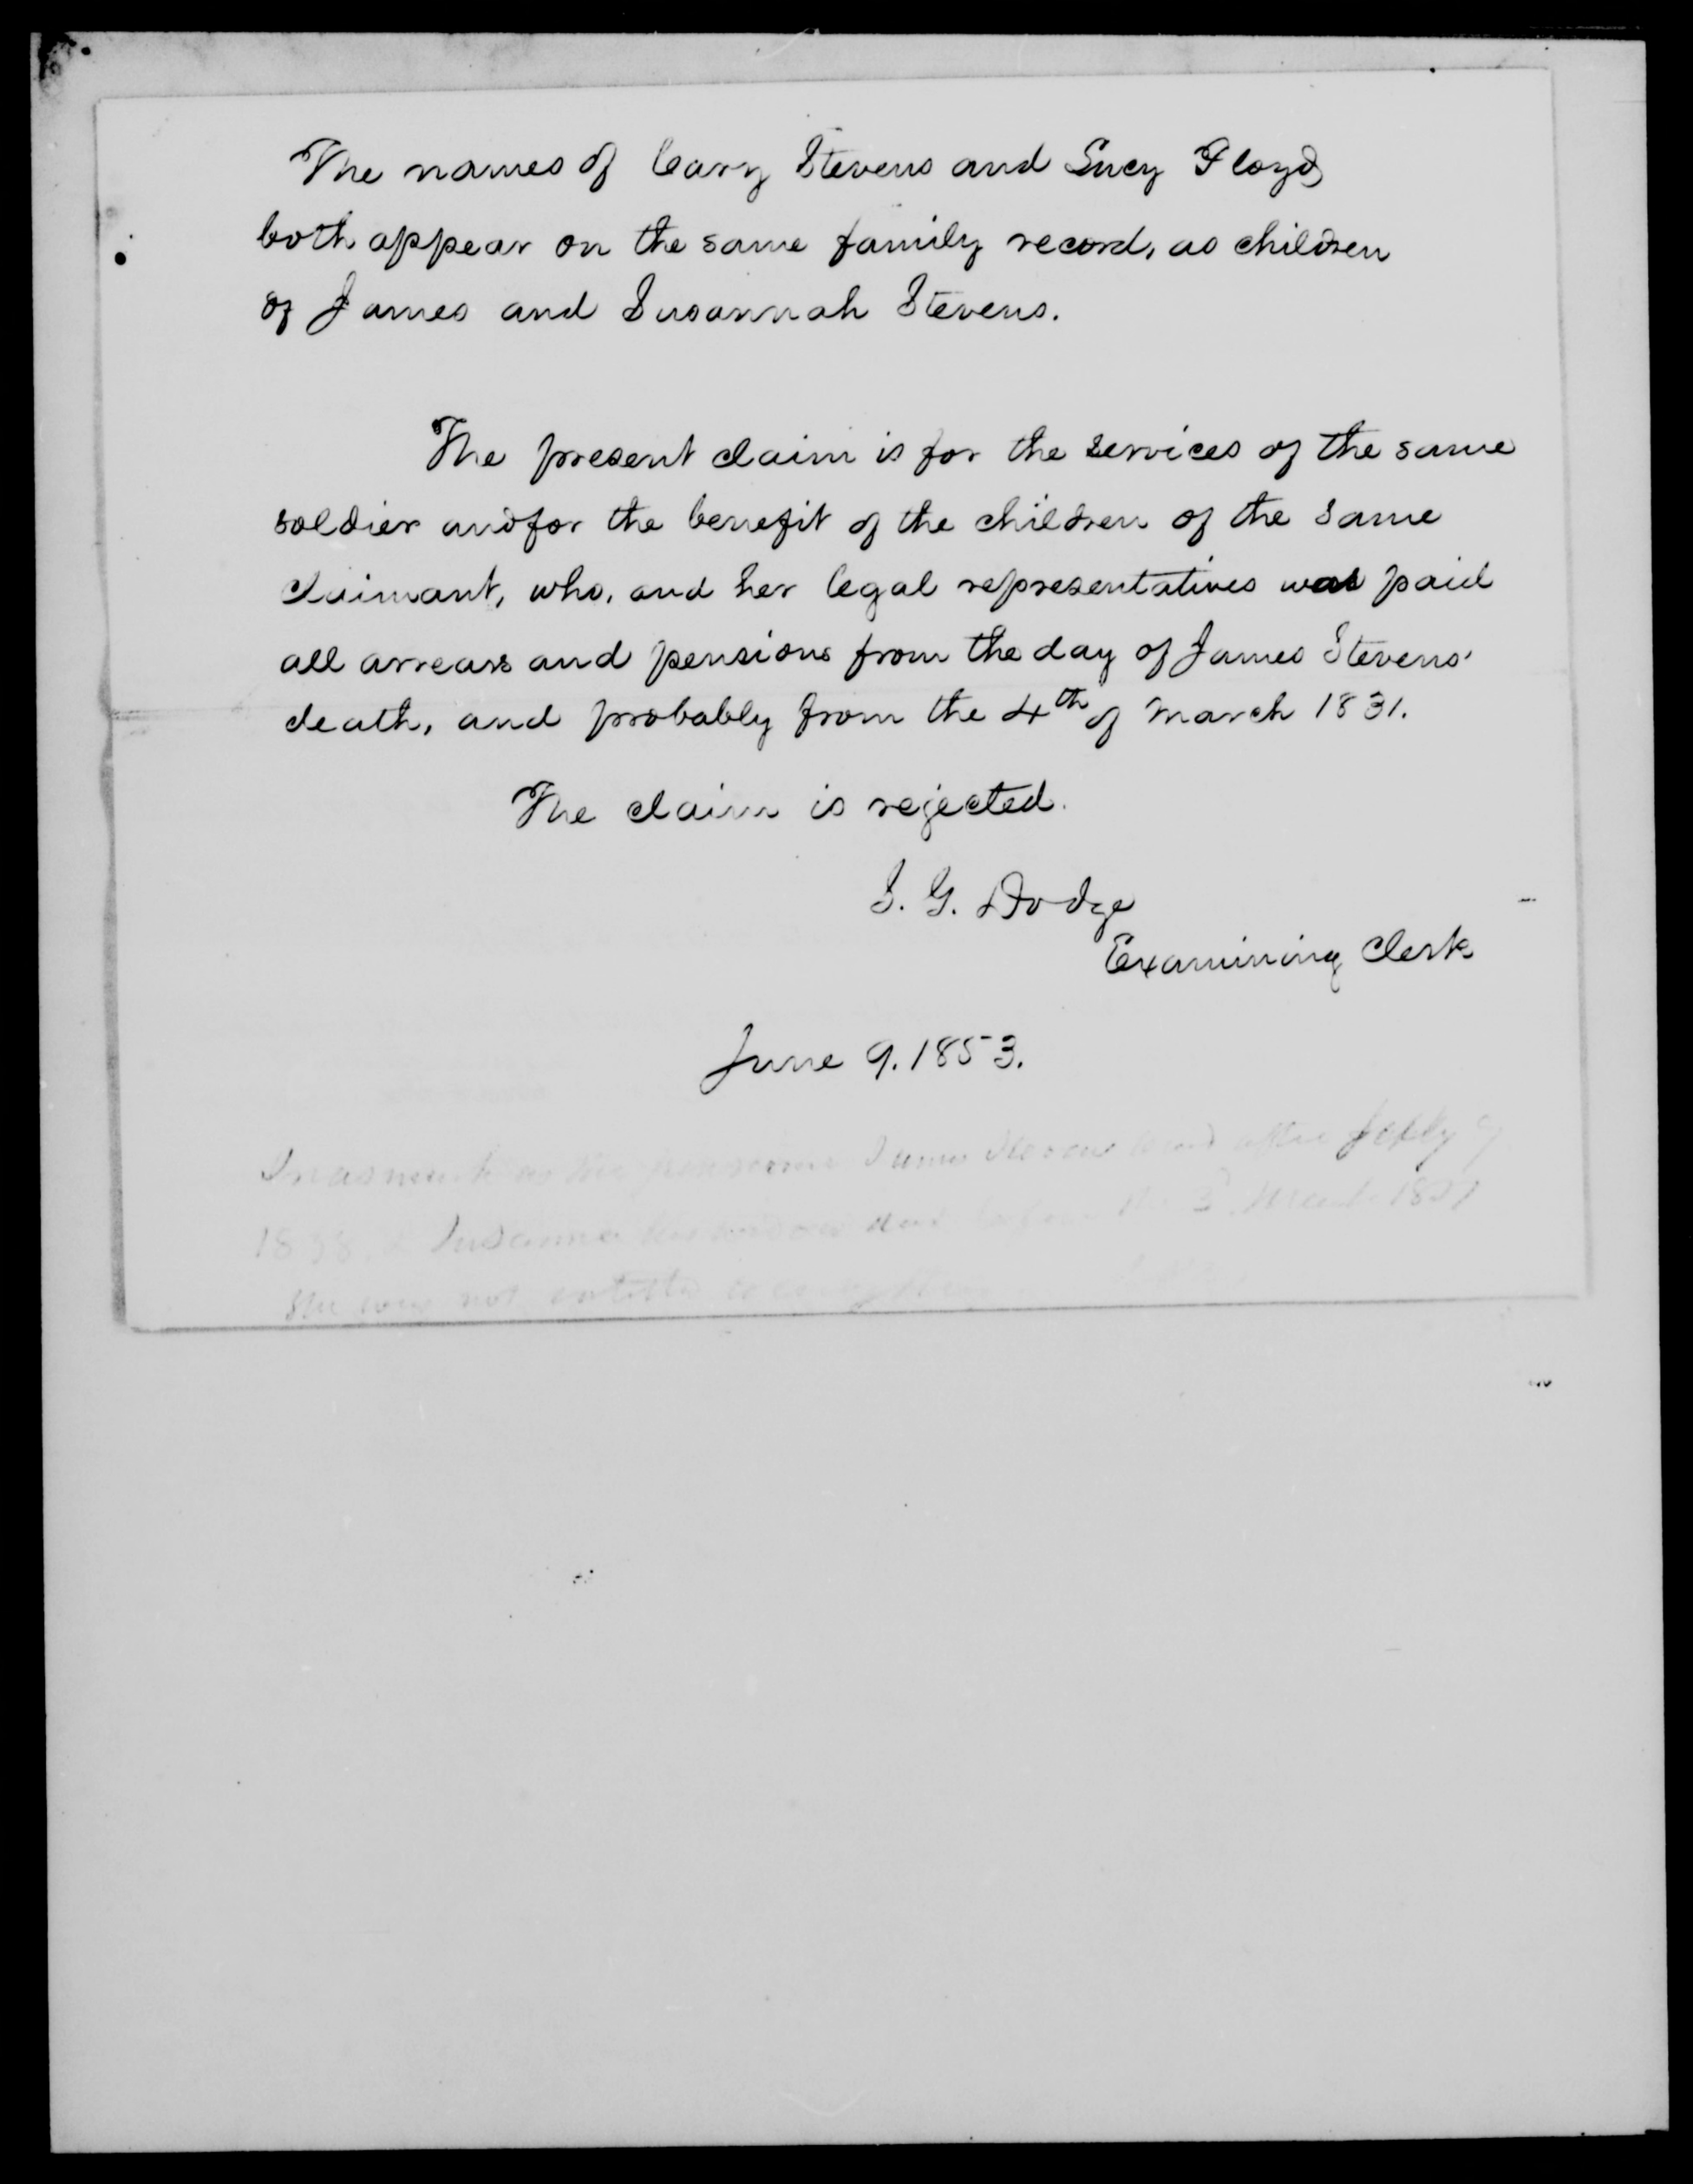The names of Cary Stevens and Lucy Floyd
both appear on the same family record, as children of James and Susannah Stevens.
The present claim is for the services of the same
soldier and for the benefit of the children of the same claimant, who, and her legal representatives was paid all arrears and pensions from the day of James Stevens'
death, and probably from the 4th of March 1831.
The claim is rejected.
S. G. Dodge
Examining Clerk
June 9. 1853.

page: 99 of 99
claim: widow's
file: W 8766, for James Stevens, Virginia